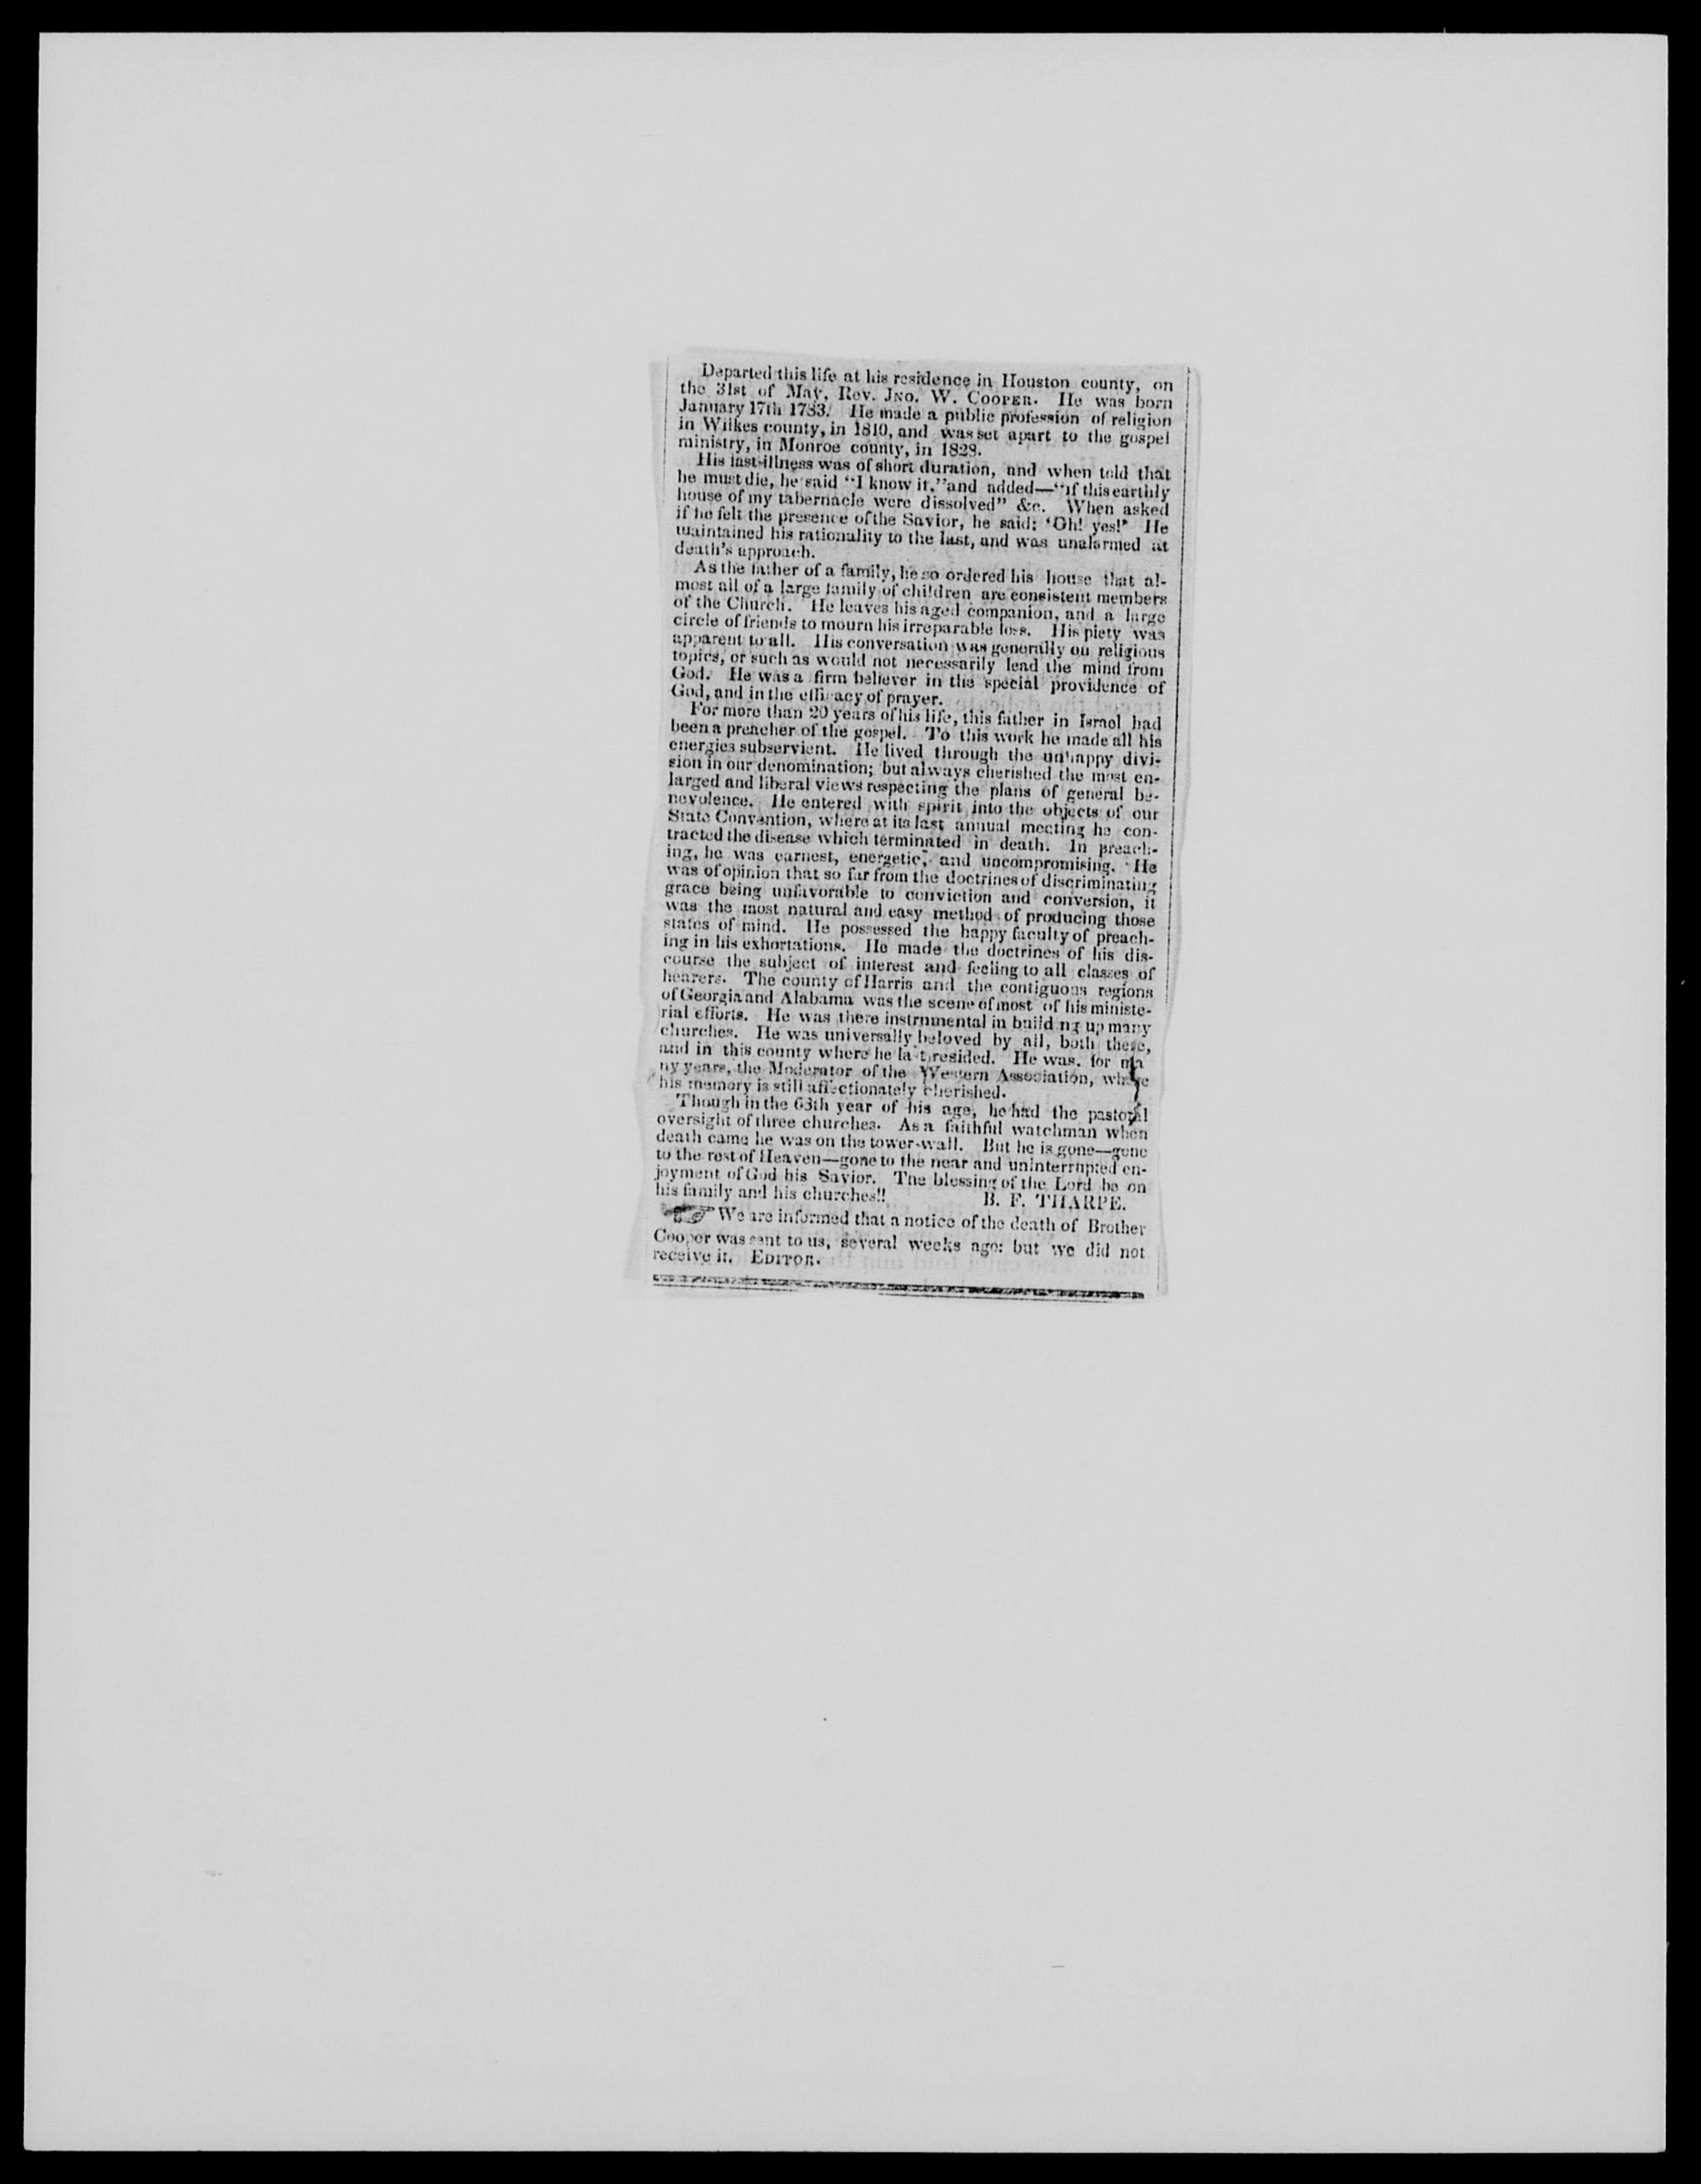Departed this life at his residence in Houston county, on the 31st of May, Rev. Jno. W. Cooper. He was born January 17th 1783. He made a public profession of religion in Wilkes county, in 1810, and was set apart to the gospel ministry, in Monroe county, in 1828.

His last illness was of short duration, and when told that he must die, he said "I know it," and added -- "of this earthly house of my tabernacle were dissolved" &c. When asked
if he felt the presence of the Savior, he said: "Oh! yes!" He maintained his rationality to the last, and was unalarmed at death's approach.

As the father of a family, he so ordered his house that almost all of a large family of children are consistent members of the Church. He leaves his aged companion, and a large circle of friends to mourn his irreparable loss. His piety was apparent to all. His conversation was generally on religious topics, or such as would not necessarily lead the mind from God. He was a firm believer in the special providence of God, and in the efficacy of prayer.

For more than 20 years of his life, his father in Israel had been a preacher of the gospel. To this work he made all his energies subservient. He lived through the unhappy division in our denomination; but always cherished the most enlarged and liberal views respecting the plans of general benevolence. He entered with spirit into the objects of our State Convention, where at its last annual meeting he contracted the disease which terminated in death. In preaching, he was earnest, energetic, and uncompromising. He was of opinion that so far from the doctrines of discriminating grace being unfavorable to conviction and conversion, it was the most natural and easy method of producing those states of mind. He possessed the happy faculty of preaching in his exhortations. He made the doctrines of his discourse the subject of interest and feeling to all classes of hearers. The county of Harris and the contiguous regions of Georgia and Alabama was the scene of most of his ministerial efforts. He was there instrumental in building up many churches. He was universally beloved by all, both there, and in this county where he last resided. He was, for many years, the Moderator of the Western Association, where his memory is still affectionately cherished.

Though in the 68th year of his age, he had the pastoral oversight of three churches. As a faithful watchman when death came he was on the tower wall. But he is gone - gone to the rest of Heaven - gone to the near and uninterrupted enjoyment of God his Savior. The blessing of the Lord be on his family and churches!! B. F. Tharpe
We are informed that a notice of the death of Brother Cooper was sent to us, several weeks ago: but we did not receive it. Editor.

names: Jno W Cooper, B F Tharpe, Cooper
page: 6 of 17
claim: rejected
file: R. 2,300, John Cooper, Va.